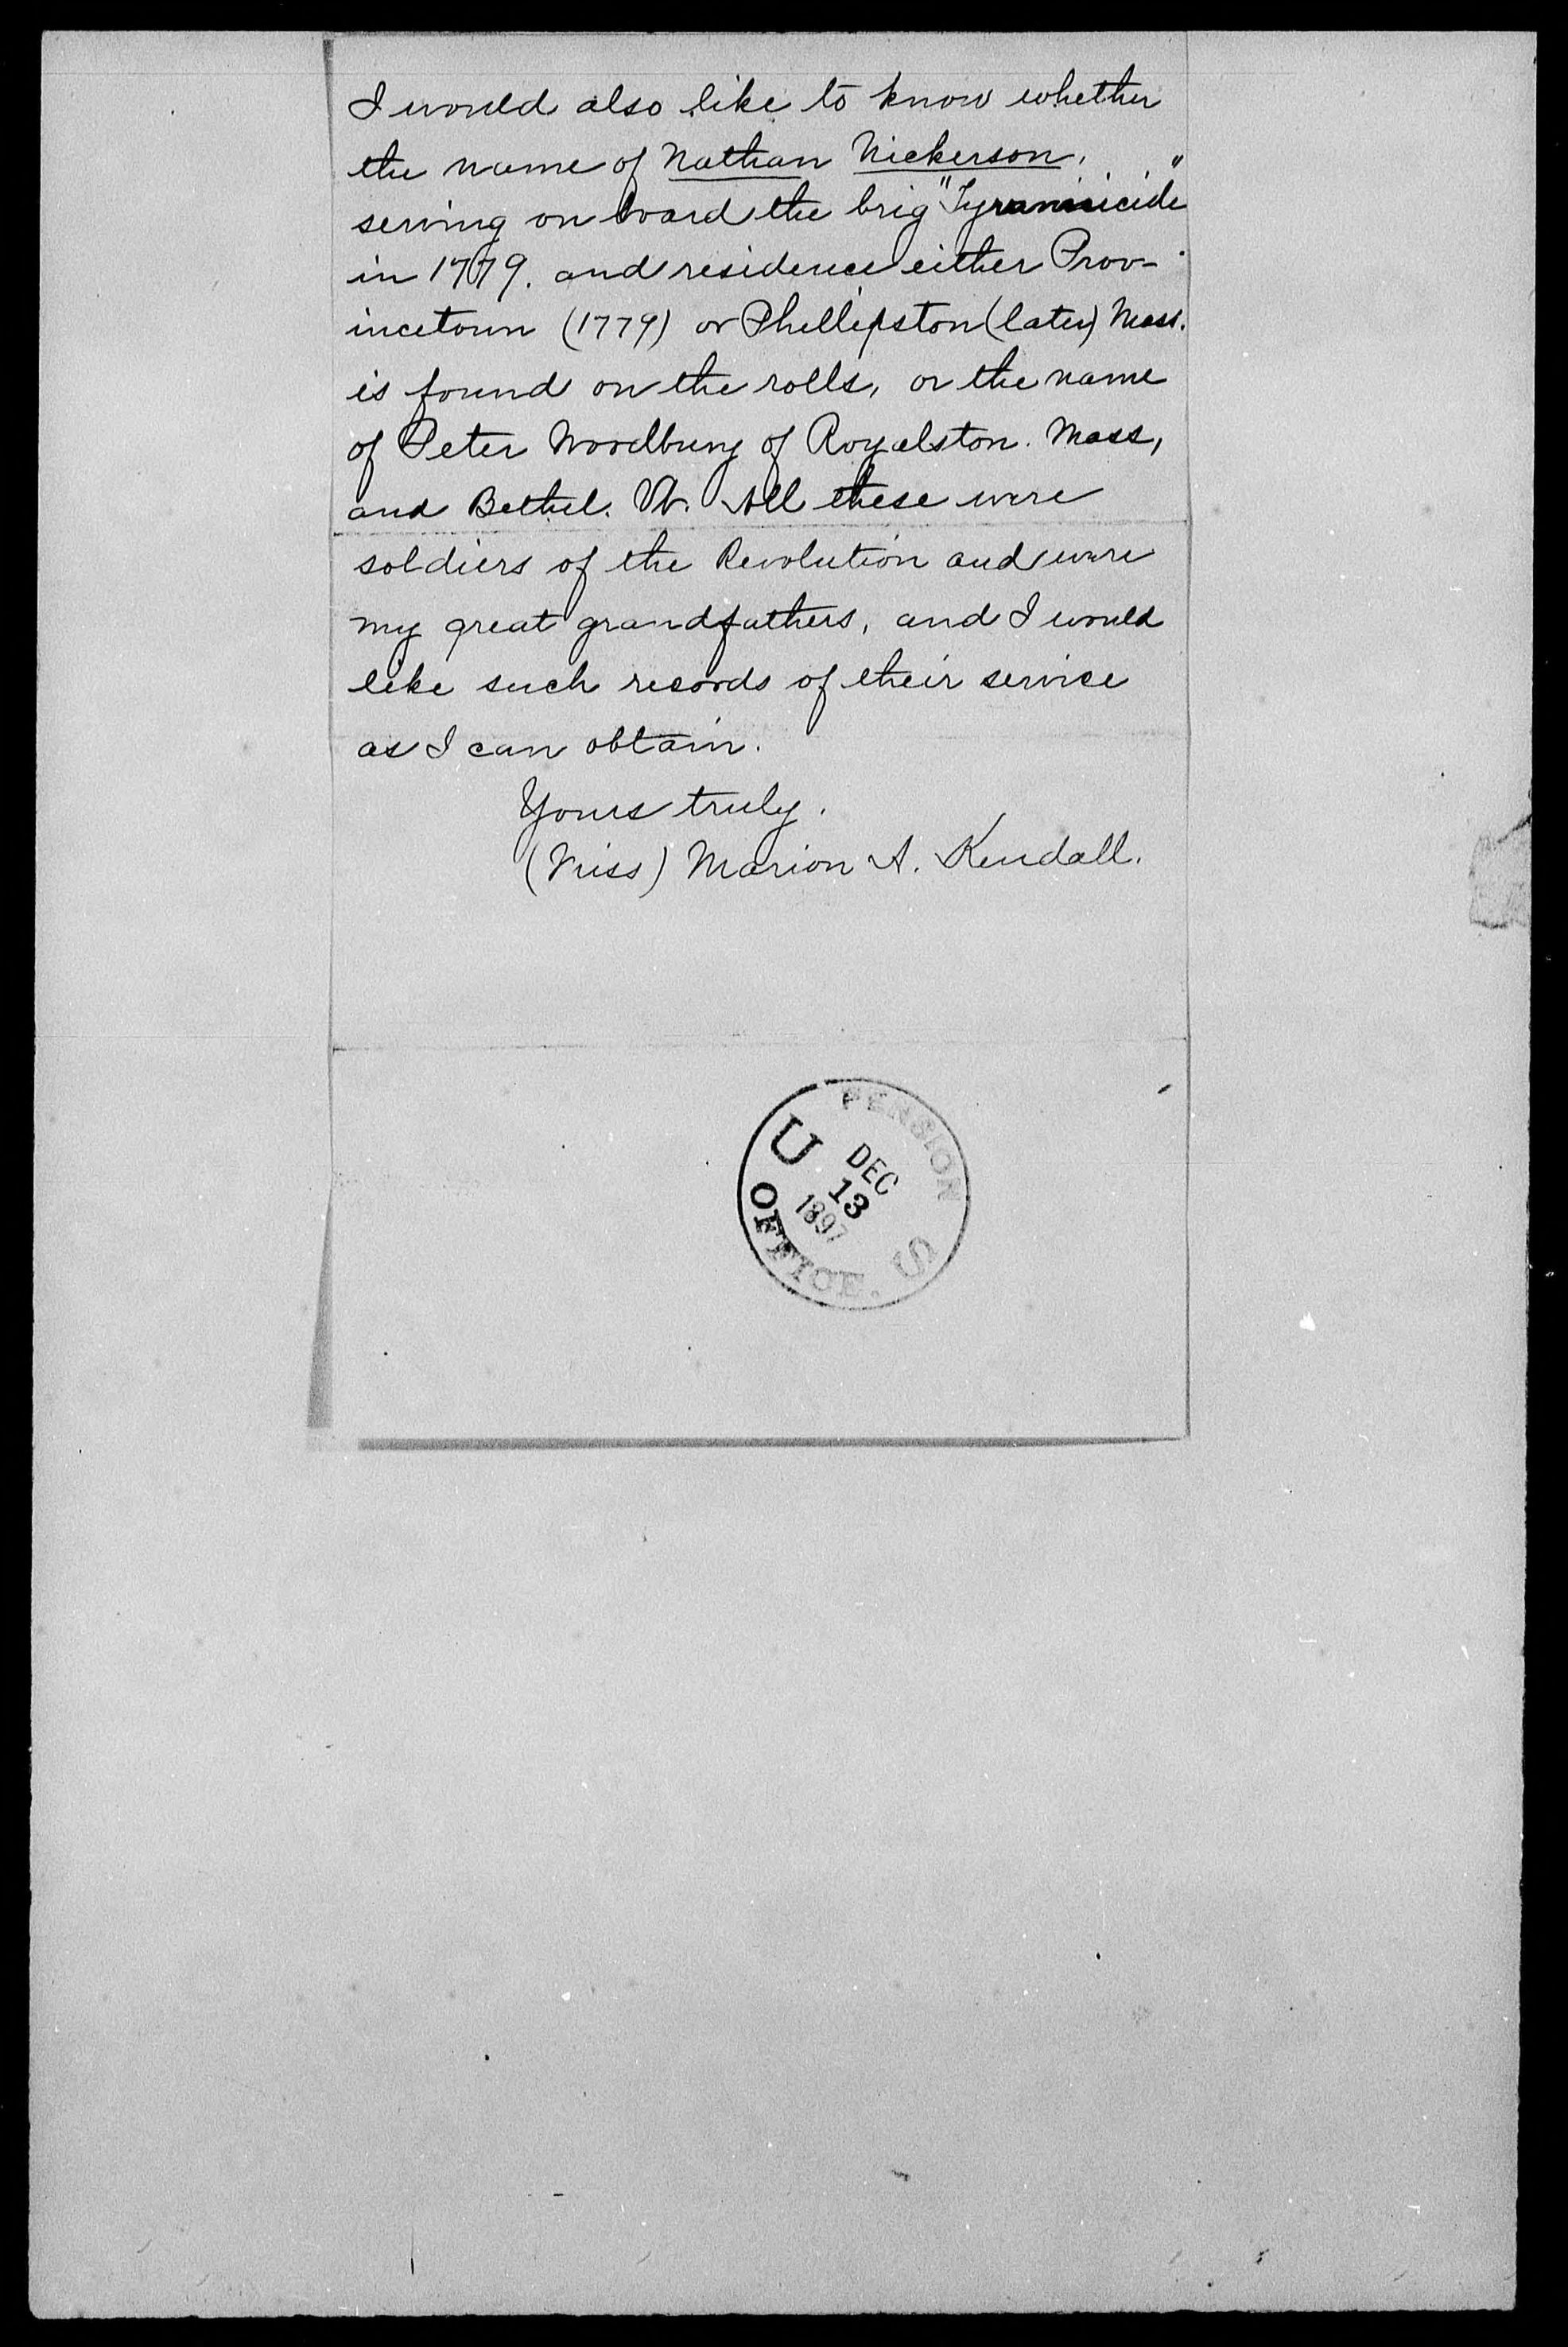[page 2]

I would also like to know whether the name Nathan Nickerson [underlined] serving on board the brig "Tyranisicide" in 1770, and residence either Providencetown (1779) or Philadelphia (later) Mass. is found on the rolls, or the name of Peter Woodbury of Royalston, Mass., and Bethel, VT.  All these were soldiers of the revolution and were my great grandfathers, and I would like such records of their service as I can obtain.
Yours truly,
[signed] (Miss) Marion A. Kendall


[seal]
US PENSION OFFICE
DEC 13 1897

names: Marion A Kendall, Peter Woodbury, Nathan Nickerson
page: 36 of 43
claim: widow's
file: W 683, John Daniels, Continental Mass. N.H.